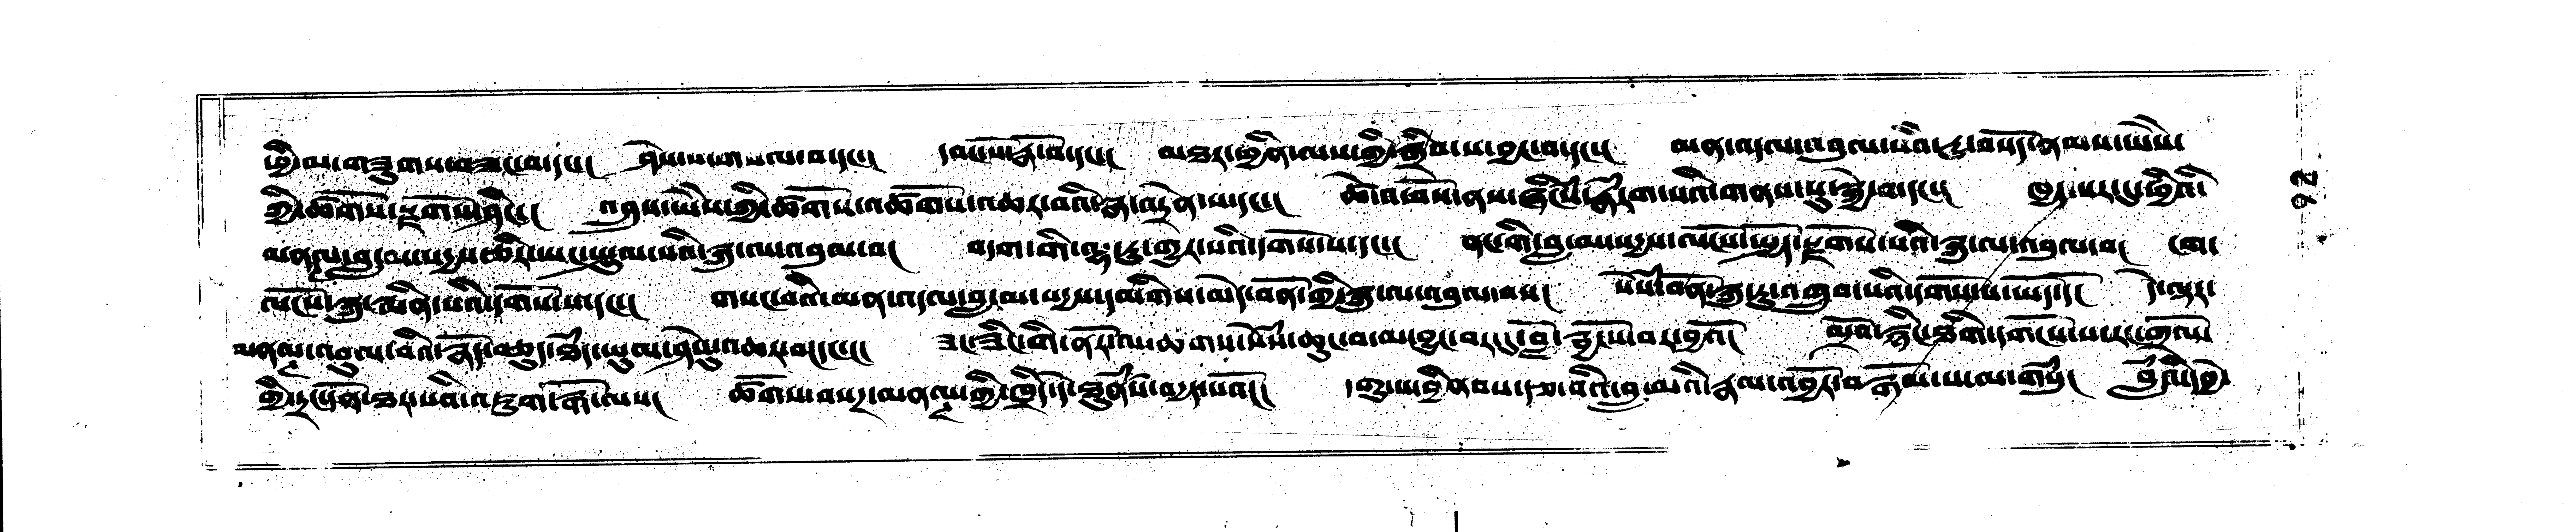ཕྱི་མ་གཟུགས་བཟང་བ་དང་། ཤེས་པ་གསལ་བ་དང་། དབང་པོ་རྣོ་བ་དང་། མཐར་ཕྱིན་ལས་ཀྱི་སྒྲིབ་པ་བྱང་བ་དང་། མཎྜལ་འབུལ་བའི་རྒྱུ་བསོད་ནམས་ཡེ་ཤེས་
ཀྱི་ཚོགས་རྫོགས་ཤིང་། འབྲས་བུ་ཡེ་ཤེས་ཀྱི་ཚོགས་འཚོགས་འཆར་བའི་སྣ་འདྲེན་པ་དང་། ཚེ་འཕོས་ནས་ཞིང་ཁམས་རྣམ་པར་དག་པའི་གནས་སུ་སྐྱེ་བ་དང་། ཁྱད་པར་དུ་ཕྱིའི་
མཎྜལ་བླ་མ་སངས་རྒྱས་ཅིར་ཡང་སྤྲུལ་པའི་སྐུ་ལ་འབུལ་བ། བདག་གི་ལྷ་རུ་གྱུར་པའི་དགོས་པ་དང་། ནང་གི་བླ་མ་སངས་རྒྱས་ལོངས་སྤྱོད་རྫོགས་པའི་སྐུ་ལ་འབུལ་བ། ངག་
ལོངས་སྐུ་སྨིན་པའི་དགོས་པ་དང་། གསང་བའི་མཎྜལ་བླ་མ་སངས་རྒྱས་དམིགས་མེད་བོན་གྱི་སྐུ་ལ་འབུལ་བས། སེམས་བོན་སྐུ་རུ་འགྲུབ་པའི་དགོས་པ་ཡོད་དོ། །དེ་ལྟར་
མཎྜལ་འབུལ་བའི་སྣོད་བཅུད་ཐམས་ཅད་ཡུལ་ཤེས་སུ་འཆར་བ་དང་། ཟང་ཟིང་གི་ནོར་ལ་ཆགས་སེམས་ཆུང་བ་མ་བྱུང་བར་དུ་བློ་སྦྱོང་བར་བྱའོ། །མཁའ་འགྲོ་སྙིང་ཐིག་དགོངས་པ་རང་གྲོལ་
གྱི་དྲང་དོན་ཐར་པའི་འཇུག་སྒོ་ལས། ཚོགས་བསགས་མཎྜལ་གྱི་ཁྲིད་དེ་ཐུན་མཚམས་བརྒྱད་པའོ།། །།དགུ་པ་བྱིན་རླབས་རྩ་བའི་བླ་མའི་རྣལ་འབྱོར་བསྒོམ་པ་ལ་གསུམ། བླ་མའི་དབྱེ་